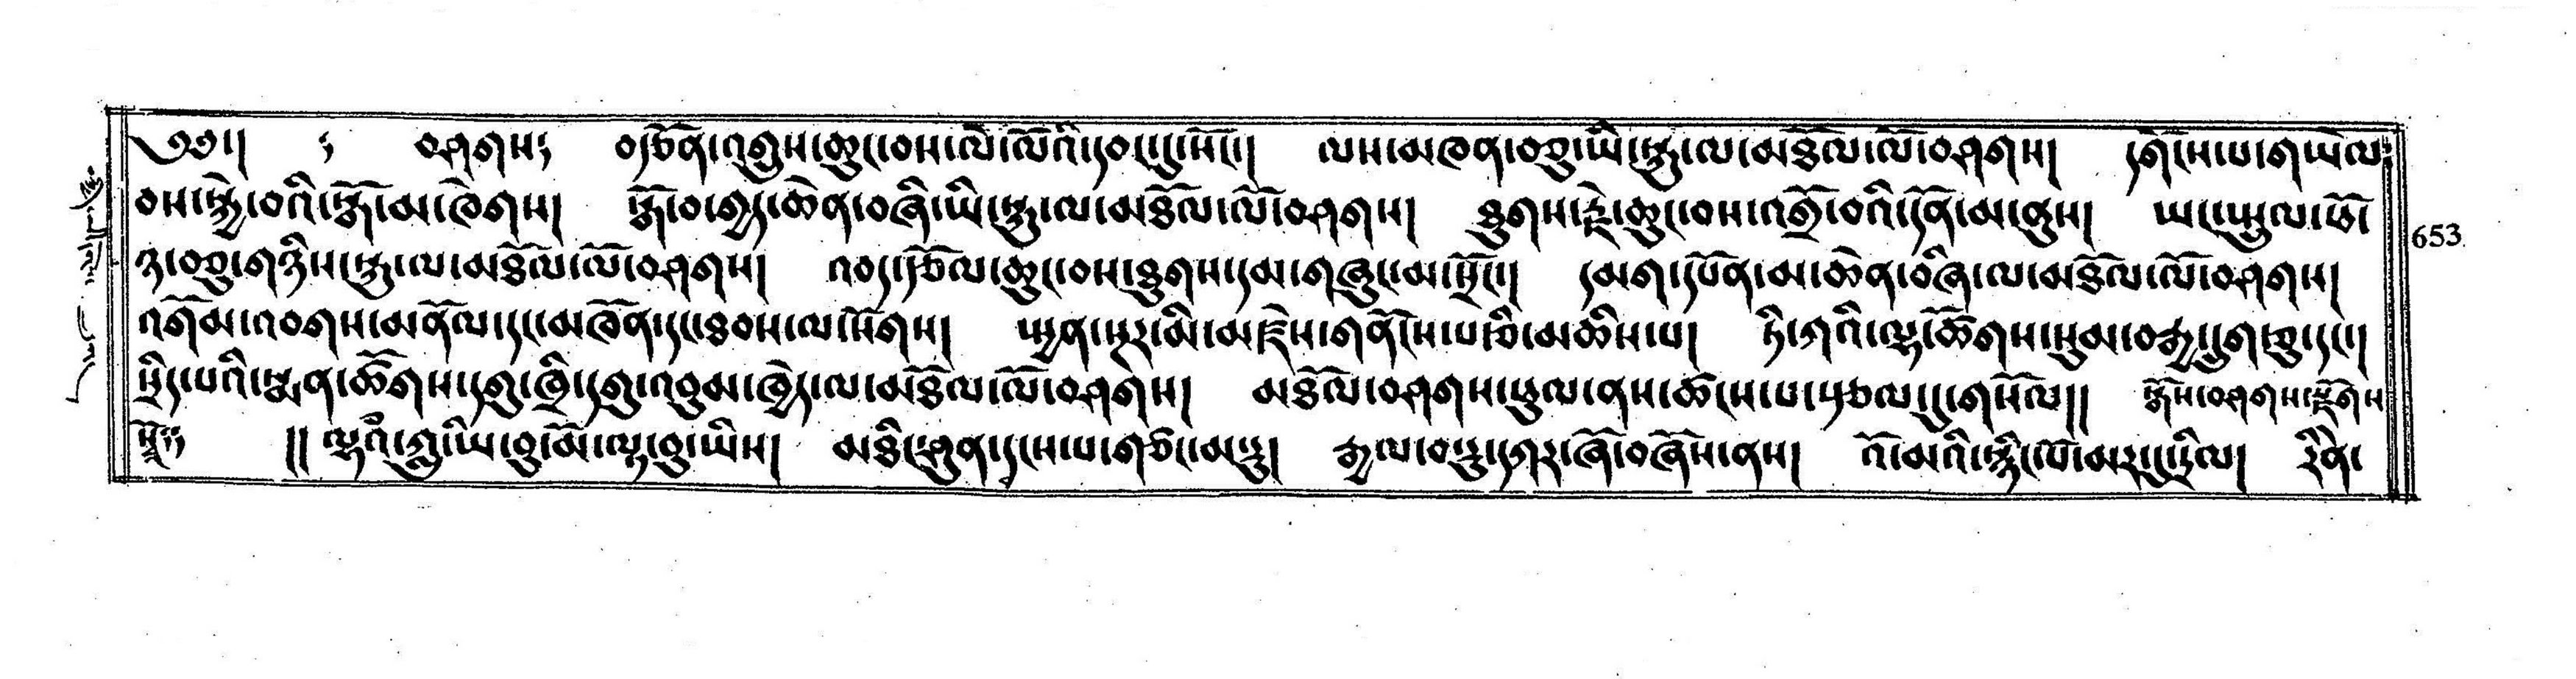བཤགས། བརྩོན་འགྲུས་ཆུང་བས་ལེ་ལོའི་དབང་དུ་སོང་། ལས་མཁན་བཅུ་ཡི་སྐུ་ལ་མཐོལ་ལོ་བཤགས། དགོངས་པ་གཡེལ་
བས་སྐྱེ་བའི་སྒོ་མ་ཁེགས། སྒོ་བ་གྱད་ཆེན་བཞི་ཡི་སྐུ་ལ་མཐོལ་ལོ་བཤགས། ཐུགས་རྗེ་ཆུང་བས་འགྲོ་བའི་དོན་མ་ནུས། ཡང་སྤྲུལ་ཕོ་
ཉ་བཅུ་གཉིས་སྐུ་ལ་མཐོལ་ལོ་བཤགས། འབད་རྩོལ་ཆུང་བས་ཐུགས་དམ་གཞུང་མ་སྲོང་། དམག་དཔོན་མ་ཆེན་བཞི་ལ་མཐོལ་ལོ་བཤགས། 
འགོམ་འབགས་མནོལ་དང་མཁོན་དང་ཐབས་ལ་སོགས། སྤྱན་སྔར་མི་མཛེས་གནོངས་པ་ཅི་མཆིས་པ། ཏི་ཀའི་ལྷ་ཚོགས་སུམ་བརྒྱ་དྲུག་ཅུ་དང་། 
སྲིད་པའི་སྨན་ཚོགས་དགུ་ཁྲི་དགུ་འབུམ་ཁྱེད་ལ་མཐོལ་ལོ་བཤགས། མཐོལ་བཤགས་ཕུལ་ནས་ཚངས་པ་སྩལ་དུ་གསོལ།། སྒོས་བཤགས་རྫོགས་
སྭཱོ།། །།ལྷའམ་ཀླུ་ཡི་བུ་མོ་ལྟ་བུ་ཡིས། མཐིང་ཤུན་དྭངས་པ་གཙང་མ་རུ། རྒྱལ་བ་རུ་དཀར་ཞོ་བཞོས་ནས། འོ་མའི་སྙིང་པོ་མར་དུ་དྲིལ། རིན་ཆེན་